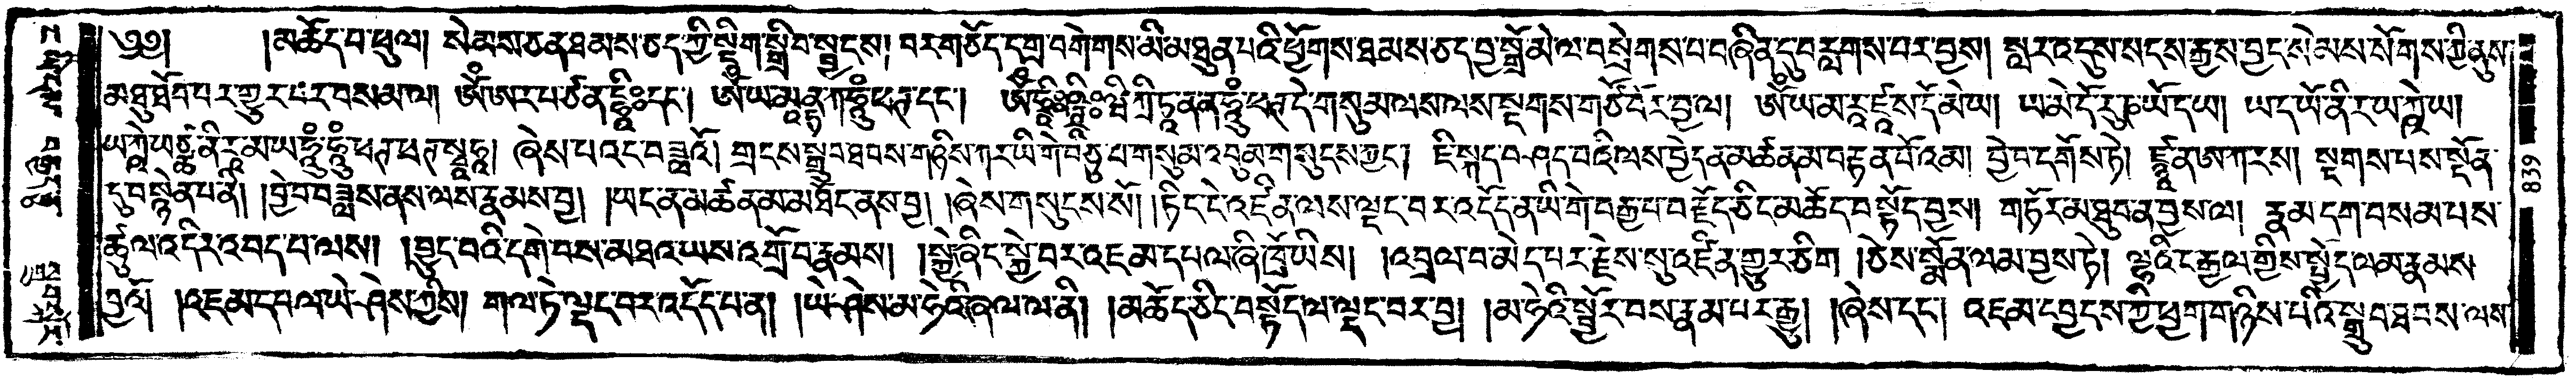༄༅། །མཆོད་པ་ཕུལ། སེམས་ཅན་ཐམས་ཅད་ཀྱི་སྡིག་སྒྲིབ་སྦྱངས། བར་གཅོད་དགྲ་བགེགས་མི་མཐུན་པའི་ཕྱོགས་ཐམས་ཅད་བྱ་སྒྲོ་མེ་ལ་བསྲེགས་པ་བཞིན་དུ་བརླགས་པར་བྱས། སླར་འདུས་སངས་རྒྱས་བྱང་སེམས་སོགས་ཀྱི་ནུས།
མཐུ་ཐོབ་པར་གྱུར་པར་བསམ་ལ། ཨོཾ་ཨ་ར་པ་ཙ་ན་དྷཱིཿ དང་། ཨོཾ་ཡ་མཱནྟ་ཀ་ཧཱུཾ་ཕཊ་དང་། ཨོཾ་ཧྲཱིཿ ཥྚཱིཿ ཝི་ཀྲི་ཏཱ་ནན་ཧཱུཾ་ཕཊ་དེ་གསུམ་ལས་ལས་སྔགས་གཙོ་བོར་བྱས། ཨོཾ་ཡ་མ་རཱ་ཛཱ་ས་དོ་མི་ཡ། ཡ་མེ་དོ་རུ་ཎ་ཡོད་ཡ། ཡད་ཡོ་ནི་ར་ཡ་ཀྵེ་ཡ།
ཡཀྵེ་ཡཙྪ་ནི་རཱ་མ་ཡ་ཧཱུཾ་ཧཱུཾ་ཕཊ་ཕཊ་སྭཱ་ཧཱ། ཞེས་པའང་བཟླའོ། གྲངས་སྒྲུབ་ཐབས་གཉིས་ཀར་ཡི་གེ་བཅུ་པ་གསུམ་འབུམ་གསུངས་ཀྱང་། ཇི་སྐད་བཤད་བའི་ལས་བྱེད་ན་མཚན་མ་བརྟན་པོའམ། བྱེ་བ་དགོས་ཏེ། ཛྙཱ་ན་ཨ་ཀ་རས། སྔགས་པས་སྔོན་
དུ་བསྙེན་པ་ནི། །བྱེ་བ་བཟླས་ནས་ལས་རྣམས་བྱ། །ཡང་ན་མཚན་མ་མཐོང་ནས་བྱ། །ཞེས་གསུངས་སོ། །ཏིང་ངེ་འཛིན་ལས་ལྡང་བར་འདོད་ན་ཡི་གེ་བརྒྱ་བ་བརྗོད་ཅིང་མཆོད་བསྟོད་བྱས། གཏོར་མ་ཐུབ་ན་བྱས་ལ། རྣམ་དག་བསམ་པས་
ཚུལ་འདིར་འབད་པ་ལས། །བྱུང་བའི་དགེ་བས་མཐའ་ཡས་འགྲོ་བ་རྣམས། །སྐྱེ་ཞིང་སྐྱེ་བར་འཇམ་དཔལ་ཞི་ཁྲོ་ཡིས། །འབྲལ་བ་མེད་པར་རྗེས་སུ་འཛིན་གྱུར་ཅིག །ཅེས་སྨོན་ལམ་བྱས་ཏེ། ལྷའི་ང་རྒྱལ་གྱིས་སྤྱོད་ལམ་རྣམས་
བྱའོ། །འཇམ་དཔལ་ཡེ་ཤེས་ཀྱིས། གལ་ཏེ་ལྡང་བར་འདོད་པ་ན། །ཡེ་ཤེས་མ་ཧེའི་ཞལ་ལ་ནི། །མཆོད་ཅིང་བསྟོད་ལ་ལྡང་བར་བྱ། །མ་ཧེའི་སྦྱོར་བས་རྣམ་པར་རྒྱུ། །ཞེས་དང་། འཇམ་དབྱངས་ཀྱི་ཕྱག་གཉིས་པའི་སྒྲུབ་ཐབས་ལས་